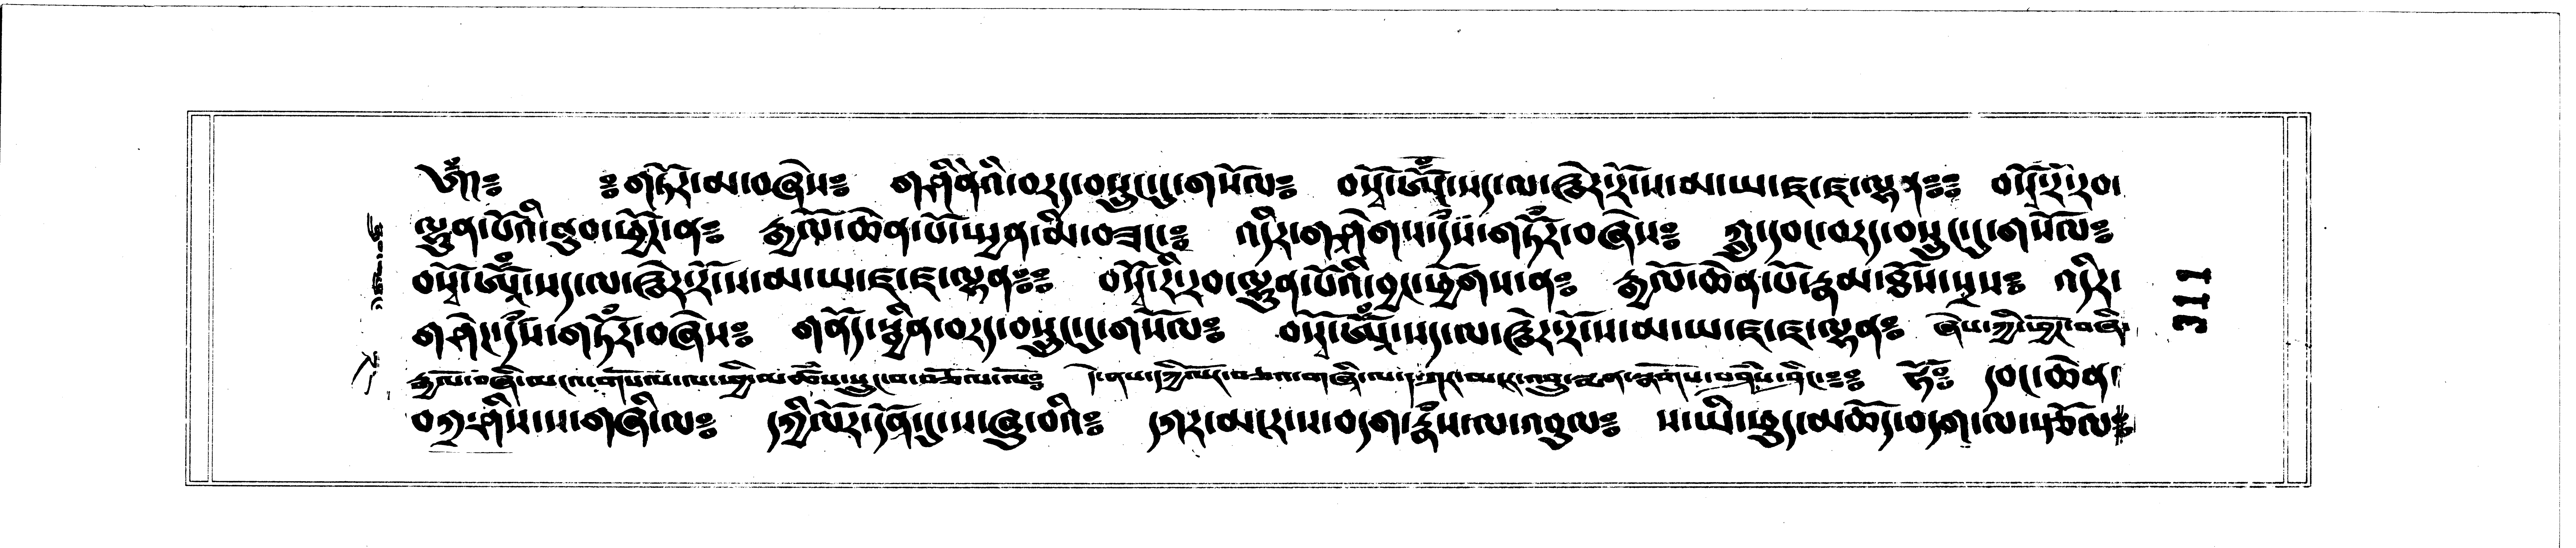གཏོར་མ་བཞེས༔ གཞིན་རྗེའི་བར་ཆད་བསྲུང་དུ་གསོལ༔ བསྭོ་ཨཱོཾ་སད་ལ་ཝེར་རོ་ས་མ་ཡ་ཛ་ཛ་ལྷན༔༔ བསྭོ་རི་རབ་
ལྷུན་པོའི་ནུབ་ཕྱོགས་ན༔ རྒྱལ་པོ་ཆེན་པོ་སྤྱན་མི་བཟང་༔ འདིར་གཤེགས་དམ་རྫས་གཏོར་མ་བཞེས༔ ཀླུ་དབང་བར་ཆད་བསྲུང་དུ་གསོལ༔ 
བསྭོ་ཨཱོཾ་སད་ལ་ཝེར་རོ་ས་མ་ཡ་ཛ་ཛ་ལྷན༔༔ བསྭོ་རི་རབ་ལྷུན་པོའི་བྱང་ཕྱོགས་ན༔ རྒྱལ་པོ་ཆེན་པོ་རྣམ་ཐོས་སྲས༔ འདིར་
གཤེགས་དམ་རྫས་གཏོར་མ་བཞེས༔ གནོད་སྦྱིན་བར་ཆད་བསྲུང་དུ་གསོལ༔ བསྭོ་ཨཱོཾ་སད་ལ་ཝེར་རོ་ས་མ་ཡ་ཛ་ཛ་ལྷན༔ ཞེས་ཀྱི་ཕྱོགས་བཞི་
རྒྱལ་པོ་བཞི་མངའ་གསོལ་ལ་ཕྱི་མཚམས་སྲུང་བ་བཅོལ་ལོ༔ དེ་ནས་དཀྱིལ་འཁོར་བཅའ་གཞི་ལ་དཀར་མངར་འབྲུ་སྨན་སྣ་ཚོགས་བཤམས་ཤིང་༔༔ ཧོ༔ དབང་ཆེན་
བཀྲ་ཤིས་ས་གཞི་ལ༔ དཀྱིལ་འཁོར་དོན་དུ་ས་ཞུ་བའི༔ དཀར་མངར་ས་བདག་རྣམས་ལ་འབུལ༔ ས་ཡི་ཕུད་མཆོད་བདག་ལ་སྩོལ༔